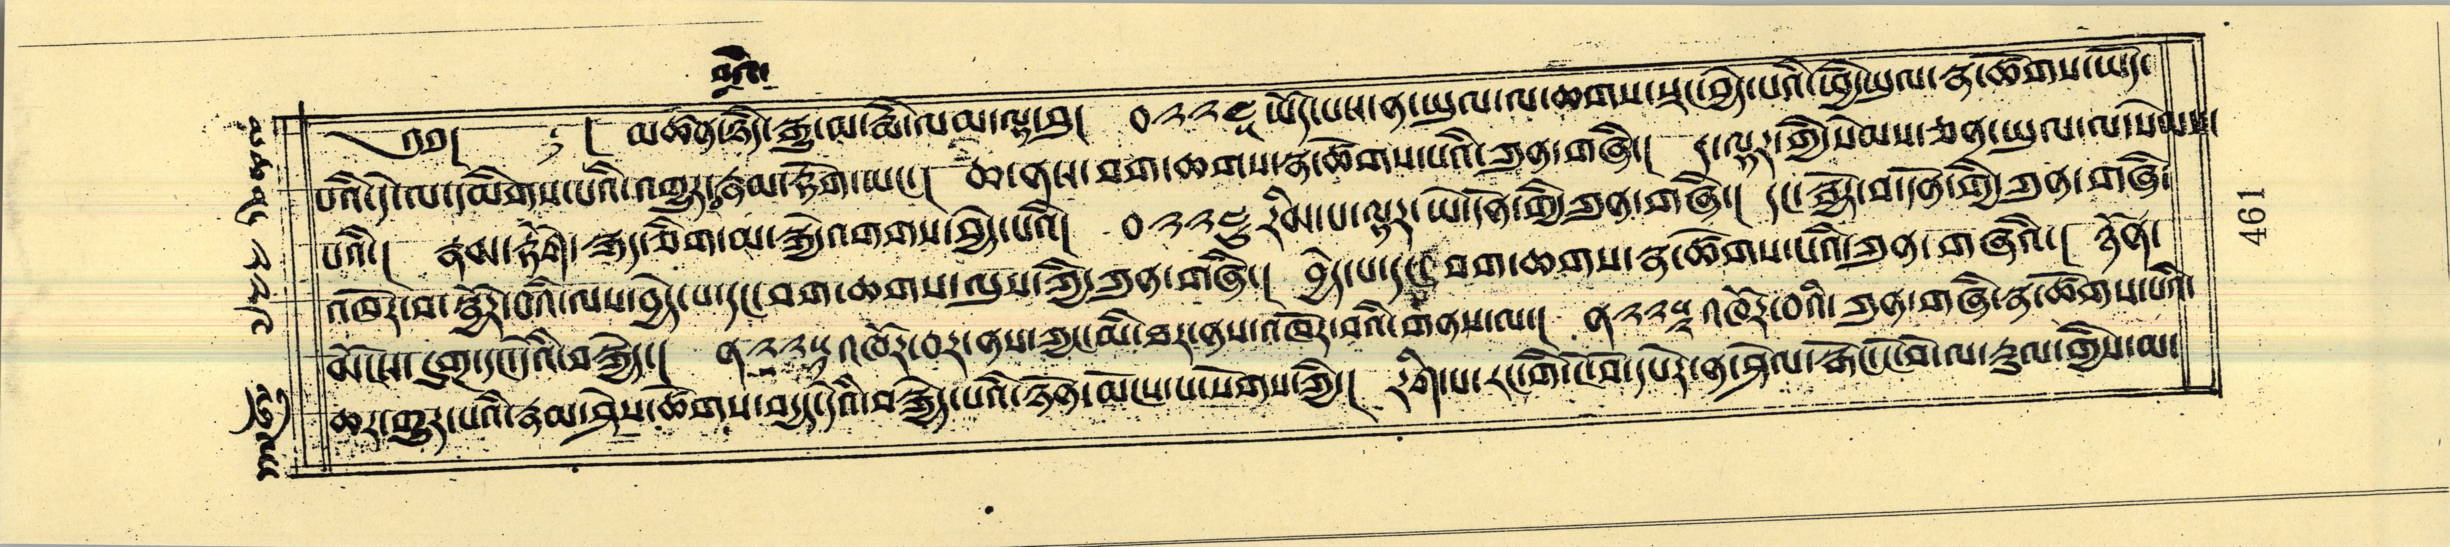མཚན་ཉིད་སྒྱུ་མ་རྨི་ལམ་ལྟ་བུ་ བ༢༢༤།༥ཡོད་པས་ན་ཡུལ་ལ་ཆགས་སྡང་བྱེད་པའི་ཕྱི་ཡུལ་སྣ་ཚོགས་ཡོད་
པའི་དེ་ལ་དམིགས་པའི་འགྱུར་བ་རྣམ་རྟོག་མང་། ཆ་ནས་བག་ཆགས་སྣ་ཚོགས་པའི་ཀུན་གཞི་ ད་ལྟར་གྱི་སེམས་ཅན་ཡུལ་ལ་སེམས་
པའི་ རྣམ་རྟོག་སྐད་ཅིག་མ་སྐྱེ་འགག་བྱེད་པའི་ བ༢༢༤།༦རིམ་པ་ལྟར་ཡེ་དོན་གྱི་ཀུན་གཞི་ དང་སྦྱོར་བ་དོན་གྱི་ཀུན་གཞི་
འཁོར་བ་སྦྱོར་བའི་ལས་བྱེད་པ་དང་བག་ཆགས་སྣ་ཚོགས་པའི་ཀུན་གཞི་ ཉོན་
མོངས་དུག་ལྔ་དང་དེའི་བསྐྱེད་ ན༢༢༥།༡འཁོར་བར་ནས་ཀྱང་མི་ཐར་ནས་འཁོར་བའི་གནས་ལ་ ན༢༢༥།༢འཁོར་བའི་ཀུན་གཞི་སྣ་ཚོགས་པའི་
ཆར་གྱུར་པའི་རྣམ་ཤེས་ཚོགས་བརྒྱད་དེའི་བསྐྱེད་པའི་ཉོན་མོངས་པ་སོགས་ཀྱི་ ༼རིག་པ༽རང་གི་ངོ་བོ་དཔེར་ན་ཤེལ་སྒོང་ངོ་བོ་ལ་རྡུལ་གྱིས་མ་